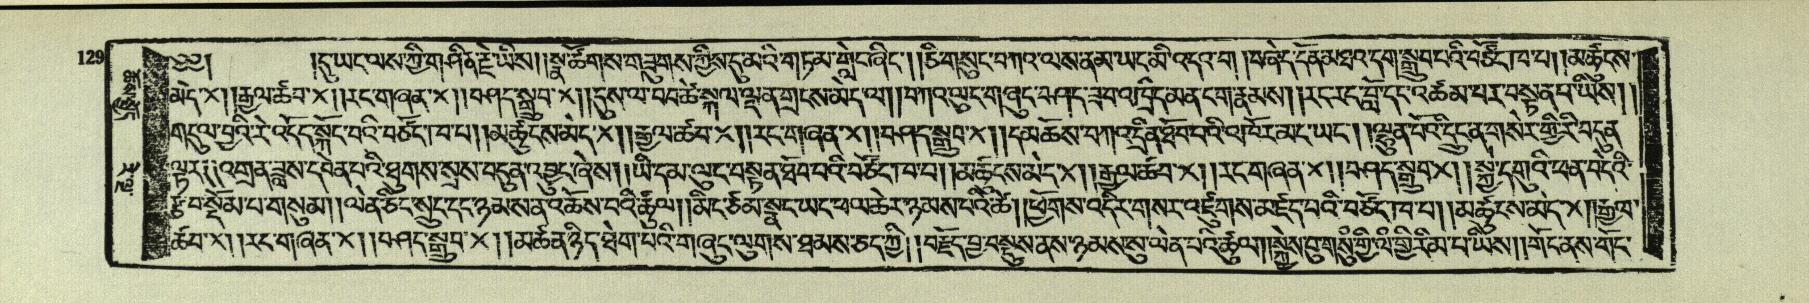༄༅། །དུ་ཡང་ལས་ཀྱི་གཤིན་རྗེ་ཡིས། །སྣ་ཚོགས་གཟུགས་ཀྱིས་དུ་མའི་གཏམ་གླེང་ཞིང་། །ཅི་གསུང་བཀའ་ལས་ནམ་ཡང་མི་འདའ་བ། །བཞེད་དོན་མཐའ་དག་སྒྲུབ་པའི་བཙོང་ཁ་པ། །མཚུངས་
མེད་྾། །རྒྱལ་ཚབ་྾། །རང་གཞན་྾། །བཤད་སྒྲུབ་྾། །དུས་ལ་བབ་ཚེ་སྐལ་ལྡན་གྲངས་མེད་ལ། །བཀའ་ལུང་གཞུང་བཤད་ཟབ་འཁྲིད་མན་ངག་རྣམས། །རང་རང་བློ་དང་འཚམ་པར་བསྟན་པ་ཡིས། །
གདུལ་བྱའི་རེ་འདོད་སྐོང་བའི་བཙོང་ཁ་པ། །མཚུངས་མེད་྾། །རྒྱལ་ཚབ་྾། །རང་གཞན་྾། །བཤད་སྒྲུབ་྾། །དམ་ཆོས་བཀའ་དྲིན་ཐོབ་པའི་འཁོར་མང་ཡང་། །ལྷུན་པོའི་དྲུང་ན་གསེར་གྱི་རི་བདུན་
ལྟར༑ ༑འགྲན་ཟླས་དབེན་པའི་ཐུགས་སྲས་བདུན་འབྱུང་ཞེས། །ཡི་དམ་ལུང་བསྟན་ཐོབ་པའི་བཙོང་ཁ་པ། །མཚུངས་མེད་྾། །རྒྱལ་ཚབ་྾། །རང་གཞན་྾། །བཤད་སྒྲུབ་྾། །སྐྱེ་དགུའི་ཕན་བདེའི་
རྩ་བ་སྡོམ་པ་གསུམ། །ལེན་ཅིང་སྲུང་དང་ཉམས་ན་འཆོས་བའི་ཚུལ། །མིང་ཙམ་སྣང་ཡང་ཕལ་ཆེར་ཉམས་པའི་ཚེ། །ཕྱོགས་འདི་གསར་འཛུགས་མཛད་པའི་བཙོང་ཁ་པ། །མཚུངས་མེད་྾། །རྒྱལ་
ཚབ་྾། །རང་གཞན་྾། །བཤད་སྒྲུབ་྾། །མཚན་ཉིད་ཐེག་པའི་གཞུང་ལུགས་ཐམས་ཅད་ཀྱི། །བརྗོད་བྱ་བསྡུས་ནས་ཉམས་སུ་ལེན་པའི་ཚུལ། །སྐྱེས་བུ་གསུཾ་གྱི་ལཾ་གྱི་རིམ་པ་ཡིས། །གོང་ནས་གོང་